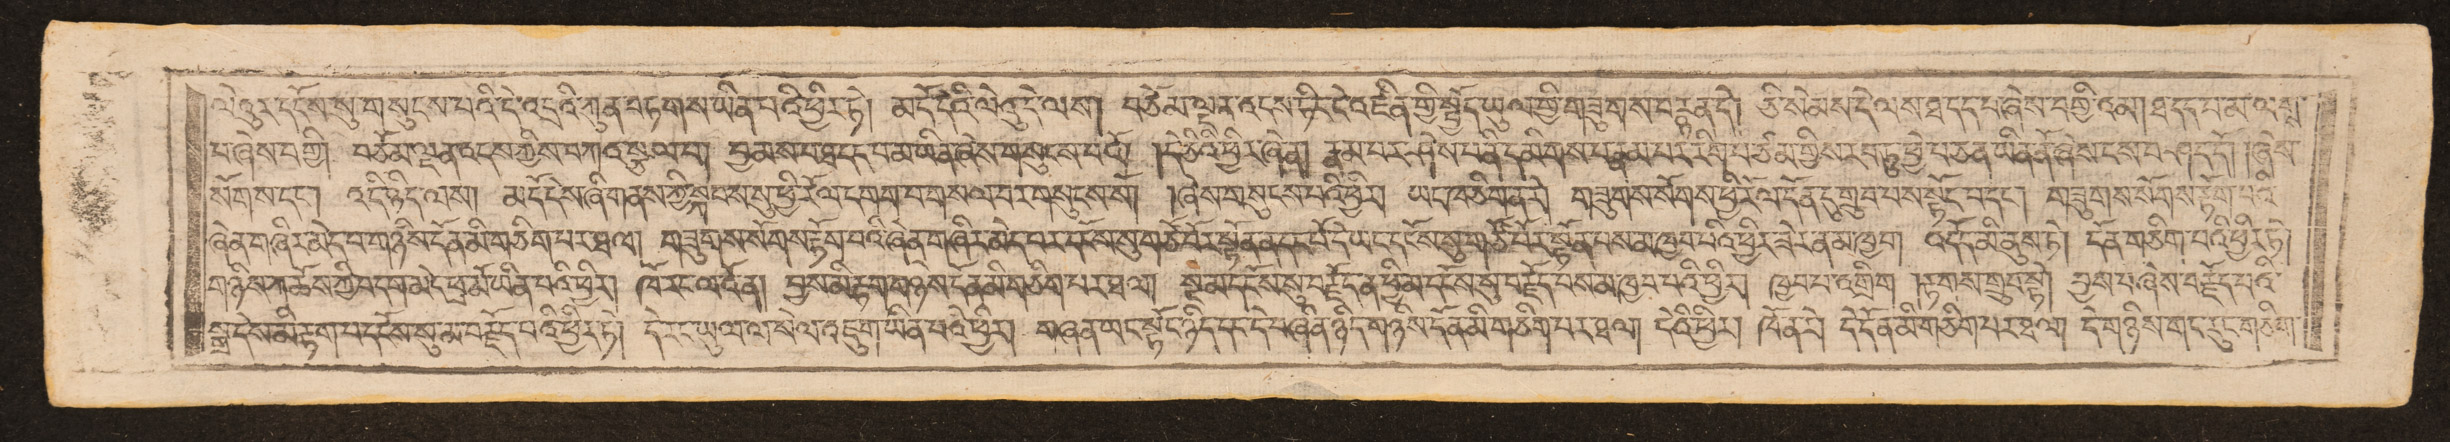ལེའུར་དངོས་སུ་གསུངས་པའི་དེ་འདྲའི་ཀུན་བཏགས་ཡིན་པའི་ཕྱིར་ཏེ། མདོ་དའི་ལེའུ་དེ་ལས། བཅོམ་ལྡན་འདས་ཏིང་ངེ་འཛིན་གྱི་སྤྱོད་ཡུལ་གྱི་གཟུགས་བརྙན་དེ། ཅི་སེམས་དེ་ལས་ཐ་དད་པ་ཞེས་བགྱི་འམ། ཐ་དད་པ་མ་ལགས་
པ་ཞེས་བགྱི། བཅོམ་ལྡན་འདས་ཀྱིས་བཀའ་སྩལ་པ། བྱམས་པ་ཐ་དད་པ་མ་ཡིན་ཞེས་གསུངས་པའོ། །དེ་ཅིའི་ཕྱིར་ཞེ་ན། རྣམ་པར་ཤེས་པ་ནི་དམིགས་པ་རྣམ་པར་རིག་པ་ཙམ་གྱིས་རབ་ཏུ་ཕྱེ་བ་ཅན་ཡིན་ནོ་ཞེས་ངས་བཤད་དོ། །ཞེས་
སོགས་དང་། འདི་ཉིད་ལས། མདོ་དེས་ཞི་གནས་ཀྱི་སྐབས་སུ་ཕྱི་རོལ་དགག་པ་གསལ་བར་གསུངས་སོ། ཞེས་གསུངས་པའི་ཕྱིར། ཡང་ཁ་ཅིག་ན་རེ། གཟུགས་སོགས་ཕྱི་རོལ་དོན་དུ་གྲུབ་པས་སྟོང་བ་དང་། གཟུགས་སོགས་རྟོག་པའི་
ཞེན་གཞིར་མེད་པ་གཉིས་དོན་མི་གཅིག་པར་ཐལ། གཟུགས་སོགས་རྟོག་པའི་ཞེན་གཞིར་མེད་པར་དངོས་སུ་གཙོ་བོར་སྟོན་ན་དང་པོ་དེ་ཡང་དངོས་སུ་གཙོ་བོར་སྟོན་པས་མ་ཁྱབ་པའི་ཕྱིར་ཟེར་ན་མ་ཁྱབ། འདོད་མི་ནུས་ཏེ། དོན་གཅིག་པའི་ཕྱིར་ཏེ།
གཉིས་ཀ་ཆོས་ཀྱི་བདག་མེད་ཕྲ་མོ་ཡིན་པའི་ཕྱིར། ཁོ་རང་ལ་འོ་ན། བྱས་མི་རྟག་གཉིས་དོན་མི་གཅིག་པར་ཐལ། སྔ་མ་དངོས་སུ་བརྗོད་ན་ཕྱི་མ་དངོས་སུ་བརྗོད་པས་མ་ཁྱབ་པའི་ཕྱིར། ཁྱབ་པ་འགྲིག །རྟགས་གྲུབ་སྟེ། བྱས་པ་ཞེས་བརྗོད་པའི་
སྒྲ་དེས་མི་རྟག་པ་དངོས་སུ་མ་བརྗོད་པའི་ཕྱིར་ཏེ། དེ་རང་ཡུལ་ལ་སེལ་འཇུག་ཡིན་པའི་ཕྱིར། གཞན་ཡང་སྟོང་ཉིད་དང་དེ་བཞིན་ཉིད་གཉིས་དོན་མི་གཅིག་པར་ཐལ། དེའི་ཕྱིར། ཁོ་ན་རེ། དེ་དོན་མི་གཅིག་བར་ཐལ། དེ་གཉིས་གང་རུང་གཅིག་